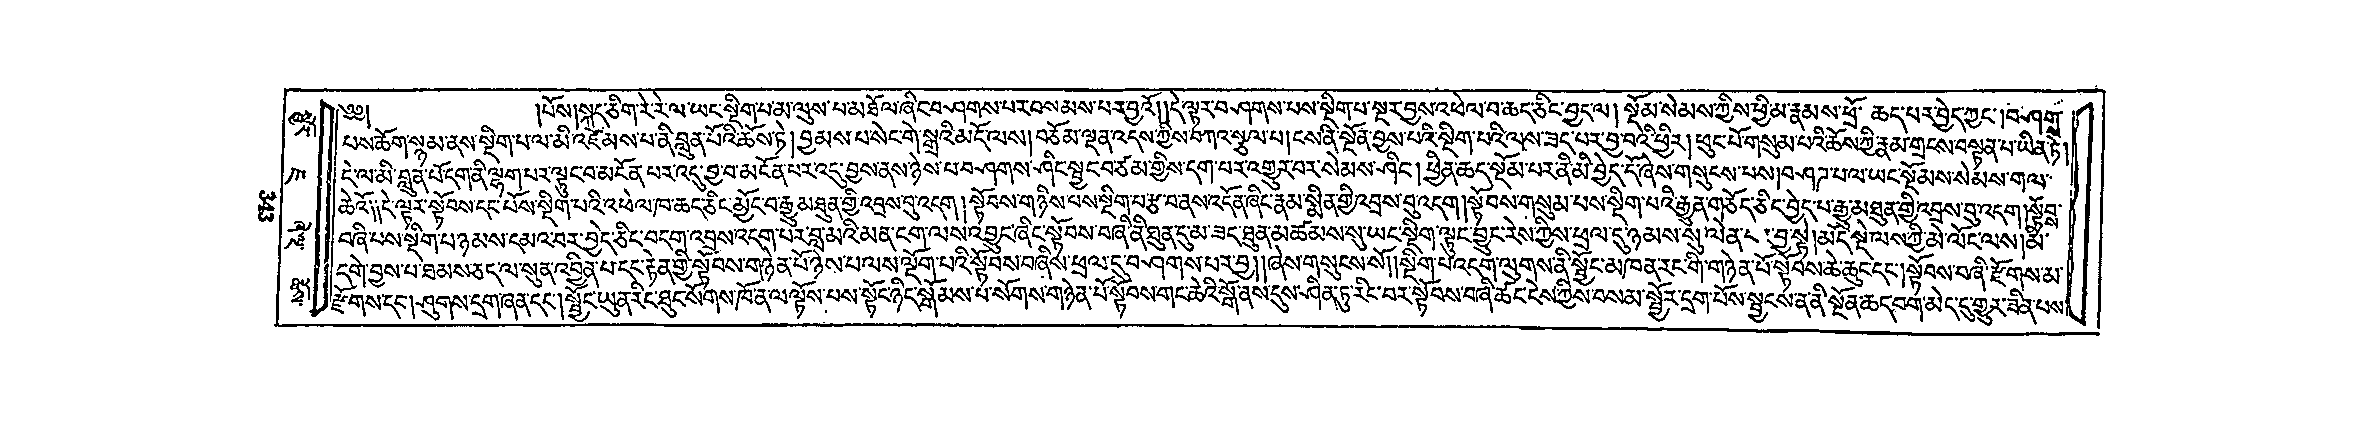༄༅། །པོས། སྐད་ཅིག་རེ་རེ་ལ་ཡང་སྡིག་པ་མ་ལུས་པ་མཐོལ་ཞིང་བཤགས་པར་བསམས་པར་བྱའོ། །དེ་ལྟར་བཤགས་པས་སྡིག་པ་སྔར་བྱས་འཕེལ་བ་ཆད་ཅིང་བྱད་ལ། སྡོམ་སེམས་ཀྱིས་ཕྱི་མ་རྣམས་ཕྲོ་ཆད་པར་བྱེད་ཀྱང་། བཤགས་
པས་ཆོག་སྙམ་ནས་སྡིག་པ་ལ་མི་འཛེམས་པ་ནི་བླུན་པོའི་ཆོས་ཏེ། བྱམས་པ་སེང་གེ་སྒྲའི་མདོ་ལས། བཅོམ་ལྡན་འདས་ཀྱིས་བཀའ་སྩལ་པ། ངས་ནི་སྔོན་བྱས་པའི་སྡིག་པའི་ལས་ཟད་པར་བྱ་བའི་ཕྱིར། ཕུང་པོ་གསུམ་པའི་ཆོས་ཀྱི་རྣམ་གྲངས་བསྟན་པ་ཡིན་ཏེ།
དེ་ལ་མི་བླུན་པོ་དག་ནི་ལྷག་པར་ལྟུང་བ་མངོན་པར་འདུ་བྱ་བ་མངོན་པར་འདུ་བྱས་ནས་ཉེས་པ་བཤགས་ཤིང་སྦྱང་བ་ཙམ་གྱིས་དག་པར་འགྱུར་བར་སེམས་ཤིང་། ཕྱིན་ཆད་སྡོམ་པར་ནི་མི་བྱེད་དོ་ཞེས་གསུངས་པས། བཤགས་པ་ལ་ཡང་སྡོམས་སེམས་གལ་
ཆེའོ། །དེ་ལྟར་སྟོབས་དང་པོས་སྡིག་པའི་འཕེལ་ཁ་ཆད་ཅིང་མྱོང་བ་རྒྱུ་མཐུན་གྱི་འབྲས་བུ་འདག །སྟོབས་གཉིས་པས་སྡིག་པ་རྩ་བ་ནས་འདོན་ཞིང་རྣམ་སྨིན་གྱི་འབྲས་བུ་འདག །སྟོབས་གསུམ་པས་སྡིག་པའི་རྒྱུན་གཅོད་ཅིང་བྱེད་པ་རྒྱུ་མཐུན་གྱི་འབྲས་བུ་འདག །སྟོབས་
བཞི་པས་སྡིག་པ་ཉམས་དམའ་བར་བྱེད་ཅིང་བདག་འབྲས་འདག་པར་བླ་མའི་མན་ངག་ལས་འབྱུང་ཞིང་སྟོབས་བཞི་ནི་ཐུན་དུ་མ་ཟད་ཐུན་མཚམས་སུ་ཡང་སྡིག་ལྟུང་བྱུང་རེས་ཀྱིས་ཕྲལ་དུ་ཉམས་སུ་ལེན་པར་བྱ་སྟེ། མདོ་སྡེ་ལས་ཀྱི་མེ་ལོང་ལས། མི་
དགེ་བྱས་པ་ཐམས་ཅད་ལ་སུན་འབྱིན་པ་དང་རྟེན་གྱི་སྟོབས་གཉེན་པོ་ཉེས་པ་ལས་ལྡོག་པའི་སྟོབས་བཞིས་ཕྲལ་དུ་བཤགས་པར་བྱ། །ཞེས་གསུངས་སོ། །སྡིག་པ་འདག་ལུགས་ནི་སྦྱོང་མཁན་རང་གི་གཉེན་པོ་སྟོབས་ཆེ་ཆུང་དང་། སྟོབས་བཞི་རྫོགས་མ་
རྫོགས་དང་། ཤུགས་དྲག་ཞན་དང་། སྦྱོང་ཡུན་རིང་ཐུང་སོགས་ཁོ་ན་ལ་ལྟོས་པས་སྟོང་ཉིད་སྒོམས་པ་སོགས་གཉེན་པོ་སྟོབས་གང་ཆེའི་སྒོ་ནས་དུས་ཤིན་ཏུ་རིང་བར་སྟོབས་བཞི་ཚང་ངེས་ཀྱིས་བསམ་སྦྱོར་དྲག་པོས་སྦྱངས་ན་ནི་སྔོན་ཆད་བག་མེད་དུ་གྱུར་ཟིན་པས་